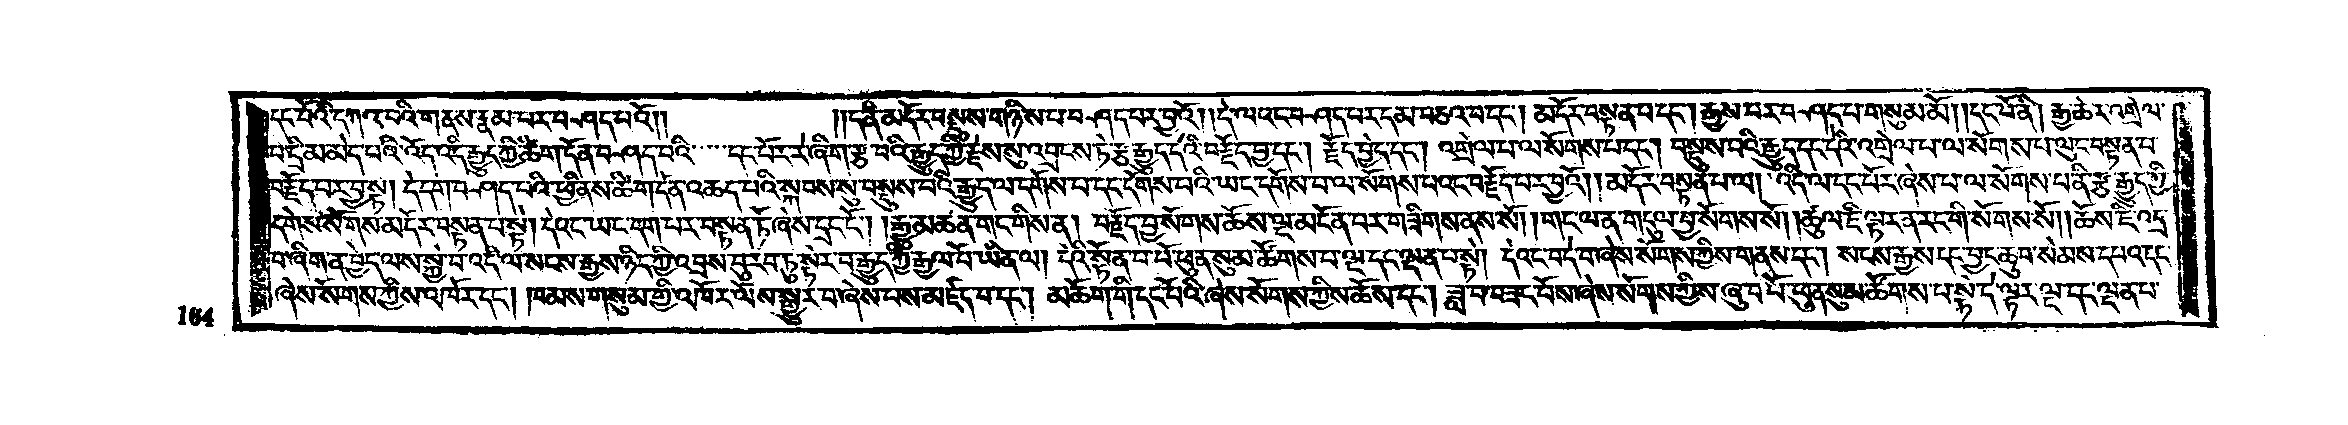དང་པོའི་དཀའ་བའི་གནས་རྣམ་པར་བཤད་པའོ།། །།ད་ནི་མདོར་བསྡུས་གཉིས་པ་བཤད་པར་བྱའོ། །དེ་ལའང་བཤད་པར་དམ་བཅའ་བ་དང་། མདོར་བསྟན་པ་དང་། རྒྱས་པར་བཤད་པ་གསུམ་མོ། །དང་པོ་ནི། རྒྱ་ཆེར་འགྲེལ་
པ་དྲི་མ་མེད་པའི་འོད་འདི་རྒྱུད་ཀྱི་ཚིག་དོན་བཤད་པའི་དང་པོར་རེ་ཞིག་རྩ་བའི་རྒྱུད་ཀྱི་རྗེས་སུ་འབྲངས་ཏེ་རྩ་རྒྱུད་དེའི་བརྗོད་བྱ་དང་། རྗོད་བྱེད་དང་། འགྲེལ་པ་ལ་སོགས་པ་དང་། བསྡུས་པའི་རྒྱུད་དང་དེའི་འགྲེལ་པ་ལ་སོགས་པ་ལུང་བསྟན་པ་
བརྗོད་པར་བྱ་སྟེ། དེ་དག་བཤད་པའི་ཕྱི་ནས་ཚིག་དོན་འཆད་པའི་སྐབས་སུ་བསྡུས་པའི་རྒྱུད་ལ་དགོས་པ་དང་དགོས་པའི་ཡང་དགོས་པ་ལ་སོགས་པའང་བརྗོད་པར་བྱའོ། །མདོར་བསྟན་པ་ལ། འདི་ལ་དང་པོར་ཞེས་པ་ལ་སོགས་པ་ནི་རྩ་རྒྱུད་ཀྱི་
དགོས་སོགས་མདོར་བསྟན་པ་སྟེ། དེའང་ཡང་དག་པར་བསྟན་ཏོ་ཞེས་དྲང་ངོ། །རྒྱུ་མཚན་གང་གིས་ན། བརྗོད་བྱ་སོགས་ཆོས་ལྔ་མངོན་པར་གཟིགས་ནས་སོ། །གང་ལ་ན་གདུལ་བྱ་སོགས་སོ། །ཚུལ་ཇི་ལྟར་ན་རང་གི་སོགས་སོ། །ཆོས་ཇི་འདྲ་
བ་ཞིག་ན་བྱེད་ལས་སྐྱེ་བ་འདི་ལ་སངས་རྒྱས་ཉིད་ཀྱི་འབྲས་བུ་རབ་ཏུ་སྟེར་བ་རྒྱུད་ཀྱི་རྒྱལ་པོ་ཡིན་ལ། དེའི་སྟོན་པ་པོ་ཕུན་སུམ་ཚོགས་པ་ལྔ་དང་ལྡན་པ་སྟེ། དེའང་བདེ་བ་ཞེས་སོགས་ཀྱིས་གནས་དང་། སངས་རྒྱས་དང་བྱང་ཆུབ་སེམས་དཔའ་དང་
ཞེས་སོགས་ཀྱིས་འཁོར་དང་། ཁམས་གསུམ་གྱི་འཁོར་ལོས་སྒྱུར་བ་ཞེས་པས་མཛད་པ་དང་། མཆོག་གི་དང་པོའི་ཞེས་སོགས་ཀྱིས་ཆོས་དང་། ཟླ་བ་བཟང་པོས་ཞེས་སོགས་ཀྱིས་ཞུ་བ་པོ་ཕུན་སུམ་ཚོགས་པ་སྟེ་དེ་ལྟར་ལྔ་དང་ལྡན་པ་